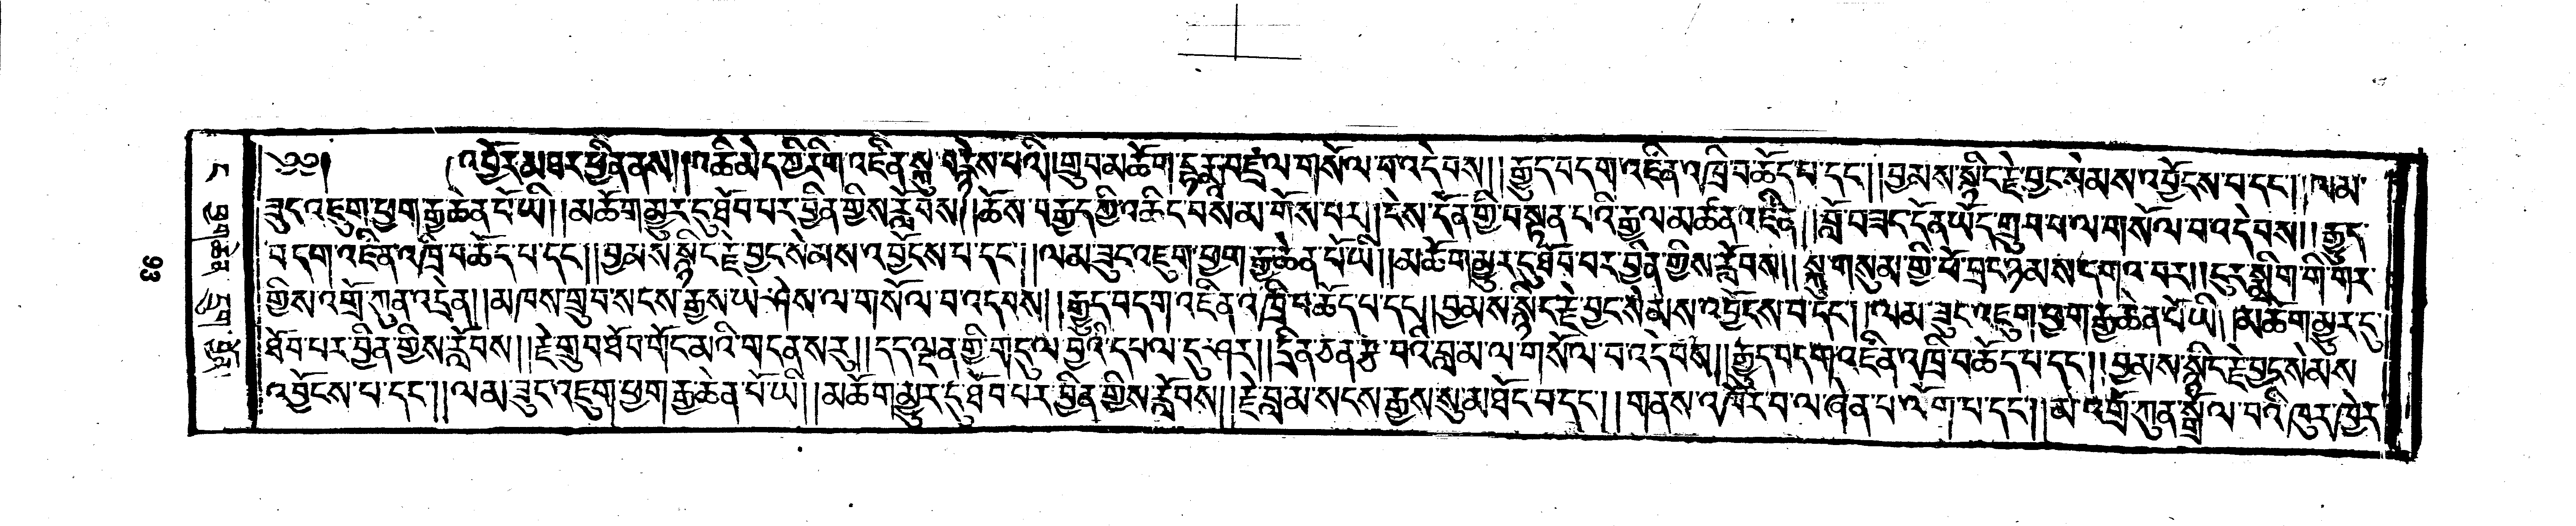༄༅། །འབྱོར་མཐར་ཕྱིན་ནས། །མཆི་མེད་ཀྱི་རིག་འཛིན་སྐུ་བརྙེས་པའི། །གྲུབ་མཆོག་དྷ་རྨཱ་བཛྲ་ལ་གསོལ་བ་འདེབས། །རྒྱུད་བདག་འདིན་འཁྲི་བ་ཆོད་པ་དང་། །བྱམས་སྙིང་རྗེ་བྱང་སེམས་འབྱོངས་པ་དང་། །ལམ་
ཟུང་འཇུག་ཕྱག་རྒྱ་ཆེན་པོ་ཡི། །མཆོག་མྱུར་དུ་ཐོབ་པར་བྱིན་གྱིས་རློབས། །ཆོས་བརྒྱད་ཀྱི་འཆིང་བས་མ་གོས་པར། །ངེས་དོན་གྱི་བསྟན་པའི་རྒྱལ་མཚན་འཛིན། །བློ་བཟང་དོན་ཡོད་གྲུབ་པ་ལ་གསོལ་བ་འདེབས། །རྒྱུད་
བདག་འཛིན་འཁྲི་བ་ཆོད་པ་དང་། །བྱམས་སྙིང་རྗེ་བྱང་སེམས་འབྱོངས་བ་དང་། །ལམ་ཟུང་འཇུག་ཕྱག་རྒྱ་ཆེན་པོ་ཡི། །མཆོག་མྱུར་དུ་ཐོབ་པར་བྱིན་གྱིས་རློབས། །སྐུ་གསུམ་གྱི་ཕོ་བྲང་ཉམས་དགའ་བར། །ངུར་སྨྲིག་གི་གར་
གྱིས་འགྲོ་ཀུན་འདྲེན། །མཁས་གྲུབ་སངས་རྒྱས་ཡེ་ཤེས་ལ་གསོལ་བ་འདེབས། །རྒྱུད་བདག་འཛིན་འཁྲི་བ་ཆོད་པ་དང་། །བྱམས་སྙིང་རྗེ་བྱང་སེམས་འབྱོངས་པ་དང་། །ལམ་ཟུང་འཇུག་ཕྱག་རྒྱ་ཆེན་པོ་ཡི། །མཆོག་མྱུར་དུ་
ཐོབ་པར་བྱིན་གྱིས་རློབས། །རྗེ་གྲུབ་ཐོབ་གོང་མའི་གདན་ས་རུ། །དད་ལྡན་གྱི་གདུལ་བྱའི་དཔལ་དུ་ཤར། །དྲིན་ཅན་རྩ་བའི་བླ་མ་ལ་གསོལ་བ་འདེབས། །རྒྱུད་བདག་འཛིན་འཁྲི་བ་ཆོད་པ་དང་། །བྱམས་སྙིང་རྗེ་བྱང་སེམས་
འབྱོངས་པ་དང་། །ལམ་ཟུང་འཇུག་ཕྱག་རྒྱ་ཆེན་པོ་ཡི། །མཆོག་མྱུར་དུ་ཐོབ་པར་བྱིན་གྱིས་རློབས། །རྗེ་བླ་མ་སངས་རྒྱས་སུ་མཐོང་བ་དང་། །གནས་འཁོར་བ་ལ་ཞེན་པ་ལོག་པ་དང་། །མ་འགྲོ་ཀུན་སྒྲོལ་བའི་ཁུར་ཁྱེར་